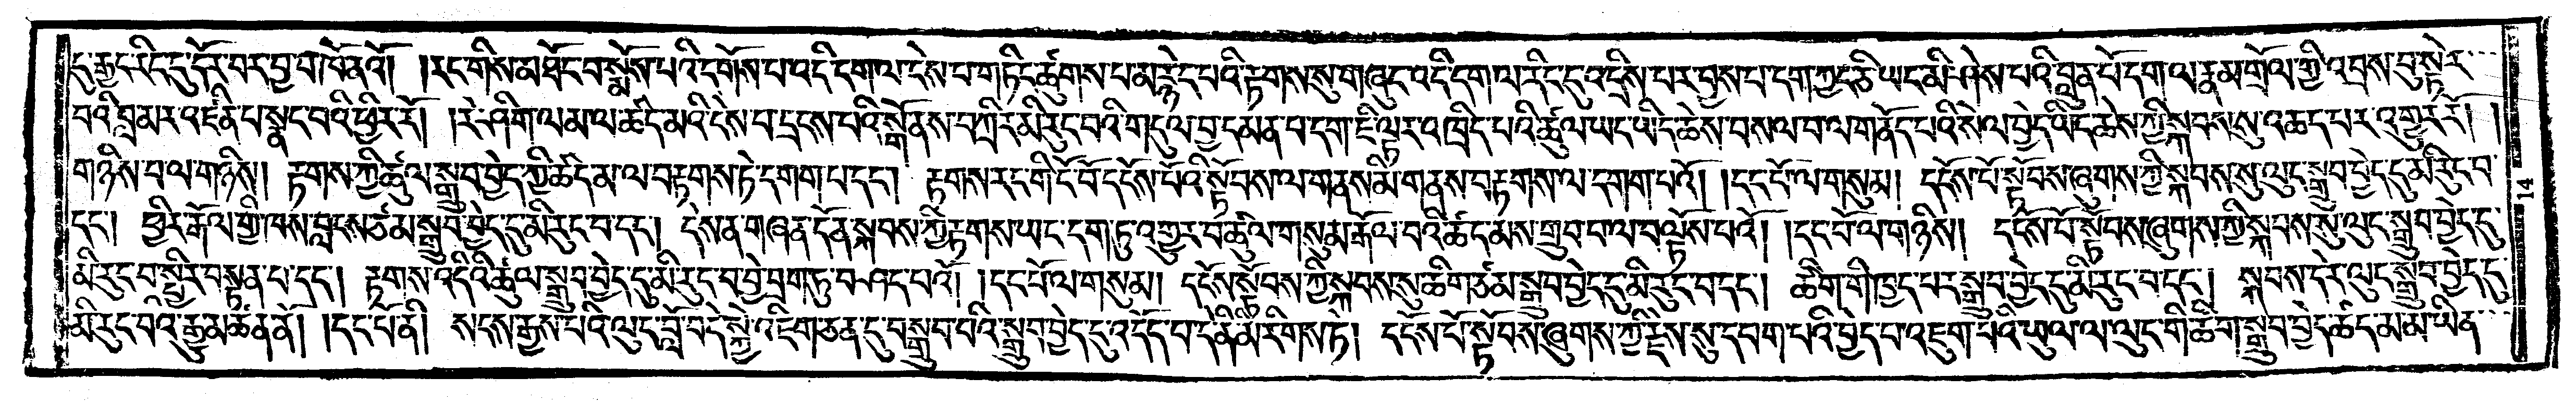དུ་རྒྱད་རིང་དུ་དོར་བར་བྱ་བ་ཁོ་ནའོ། །རང་གིས་མཐོང་བ་སྨོས་པའི་དགོས་པའི་དག་ལ་ངེས་པ་གཏིང་ཚུགས་པ་མ་རྙེད་པའི་རྟགས་སུ་གཞུང་འདི་དག་ལ་རིང་དུ་འདྲིས་པར་བྱས་པ་དག་ཀྱང་ཅི་ཡང་མི་ཤེས་པའི་བླུན་པོ་དག་ལ་རྣམ་གྲོལ་གྱི་འབྲས་བུ་སྟེར་
བའི་བླ་མར་འཛིན་པ་སྣང་བའི་ཕྱིར་རོ། །རེ་ཤིག་ལམ་ལ་ཚད་མའི་ངེས་པ་དྲངས་པའི་སྒོ་ནས་བཀྲིར་མི་རུང་བའི་གདུལ་བྱ་དམན་པ་དག་ཇི་ལྟར་འཁྲིད་པའི་ཚུལ་ཡང་ཡིད་ཆེས་བསལ་བ་ལ་གནོད་པའི་སེལ་བྱེད་ཡིད་ཆེས་ཀྱི་སྐབས་སུ་འཆད་པར་འགྱུར་རོ། །
གཉིས་པ་ལ་གཉིས། རྟགས་ཀྱི་ཚུལ་སྒྲུབ་བྱེད་ཀྱི་ཚད་མ་ལ་བརྟགས་ཏེ་དགག་པ་དང་། རྟགས་རང་གི་ངོ་བོ་དངོས་པོའི་སྟོབས་ལ་གནས་མི་གནས་བརྟགས་ལ་དགག་པའོ། །དང་པོ་ལ་གསུམ། དངོས་པོ་སྟོབས་ཞུགས་ཀྱི་སྐབས་སུ་ལུང་སྒྲུབ་བྱེད་དུ་མི་རུང་བ་
དང་། ཕྱིར་རྒོལ་གྱི་ཁས་བླངས་ཙམ་སྒྲུབ་བྱེད་དུ་མི་རུང་བ་དང་། དེས་ན་གཞན་དོན་སྐབས་ཀྱི་རྟགས་ཡང་དག་ཏུ་འགྱུར་བ་ཚུལ་གསུམ་རྒོལ་བའི་ཚད་མས་གྲུབ་པ་ལ་བལྟོས་པའོ། །དང་པོ་ལ་གཉིས། དངོས་པོ་སྟོབས་ཞུགས་ཀྱི་སྐབས་སུ་ལུང་སྒྲུབ་བྱེད་དུ་
མི་རུང་བ་སྤྱིར་བསྟན་པ་དང་། རྟགས་འདིའི་ཚུལ་སྒྲུབ་བྱེད་དུ་མི་རུང་བ་བྱེ་བྲག་ཏུ་བཤད་པའོ། །དང་པོ་ལ་གསུམ། དངོས་སྟོབས་ཀྱི་སྐབས་སུ་ཚིག་ཙམ་སྒྲུབ་བྱེད་དུ་མི་རུང་བ་དང་། ཚིག་གི་ཁྱད་པར་སྒྲུབ་བྱེད་དུ་མི་རུང་བ་དང་། སྐབས་དེར་ལུང་སྒྲུབ་བྱེད་དུ་
མི་རུང་བའི་རྒྱུ་མཚན་ནོ། །དང་པོ་ནི། སངས་རྒྱས་པའི་ལུང་བློ་བདེ་སྐྱེ་འཇིག་ཅན་དུ་བསྒྲུབ་པའི་སྒྲུབ་བྱེད་དུ་འདོད་པ་དེ་ནི་མི་རིགས་ཏེ། དངོས་པོ་སྟོབས་ཞུགས་ཀྱི་རྗེས་སུ་དཔག་པའི་བྱེད་པ་འཇུག་པའི་ཡུལ་ལ་ལུང་གི་ཚིག་སྒྲུབ་བྱེད་ཚད་མ་མ་ཡིན་